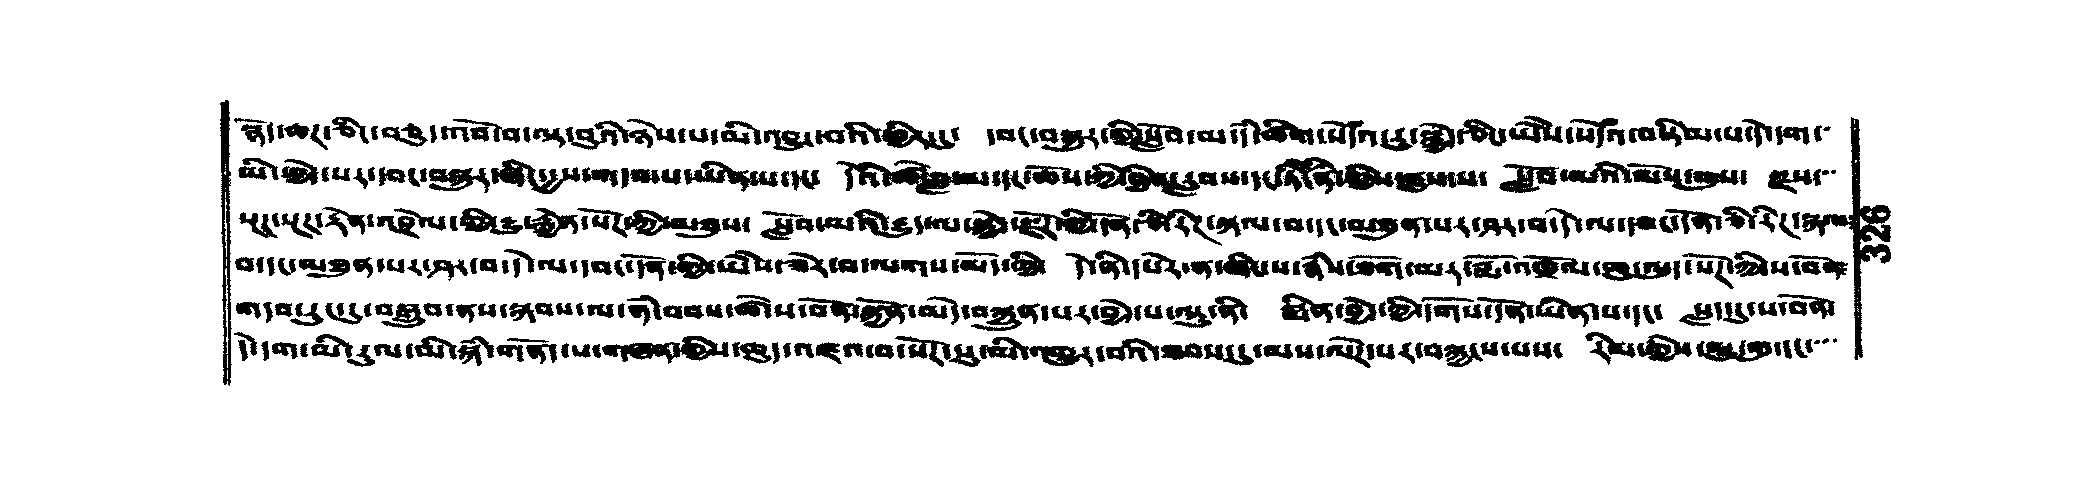སྣོད་ཆག་ཅིང་བཅུད་བོ་བ་ལྟ་བུའི་ཉེས་པ་མི་འབྱུང་བའི་ཕྱིར་དུ། དབང་བསྐུར་གྱི་སློབ་མ་དམ་ཚིག་སེམས་དཔའ་རུ་སྐྱེད་ཅིང་ཡེ་ཤེས་སེམས་དཔའ་བསྟིམ་པ་དེ་དག་
མི་ཕྱེད་པར་དབང་བསྐུར་ཞིང་རྒྱས་གདབ་པ་ཡིན་པ་དང་། དེའི་ཚེ་བླ་མ་དང་ཆོས་ཀྱི་བྱིན་རླབས་དང་ཏིང་ངེ་འཛིན་གྱིས་ནུས་པ། སློབ་མའི་མོས་གུས། རྫས་
སྔགས་རྟེན་འབྲེལ་གྱི་རྒྱུ་རྐྱེན་སོགས་ཀྱི་མཐུས། སློབ་མའི་རྒྱུད་ལ་བསྐྱེད་རྫོགས་ཀྱི་དོན་ཅི་རིགས་སྐལ་
བ་དང་མཐུན་པར་ཤར་བ་དེ་ལ་དབང་དོན་གྱི་ཡེ་ཤེས་ཟེར་བ་ལགས་མོད་ཀྱི། དེ་ནི་དཔེར་ན་ཞིང་པ་རྣམས་ཐོག་མར་རྨོ་འཁྲོལ་ཆུ་ལུད་སོགས་ཀྱི་ས་བོན་
གདབ་རུང་དུ་བསྒྲུབས་ནས་སྐབས་ལ་ནམ་བབས་ཚེ་ས་བོན་སྐྱོན་མེད་བསྐྲུན་པར་བྱེད་པ་ལྟ་བུ་ནི།སྨིན་བྱེད་ཀྱི་དགོས་དོན་ཡིན་པ་དང་། སླད་དུ་ས་བོན་
དེ་དག་མི་རུལ་མི་སྐམ་གནོད་པ་གཞན་གྱིས་ཆུད་འཛའ་བ་སོགས་སུ་མི་འགྱུར་བའི་ཐབས་དུ་མས་ལེགས་པར་བསྐྱངས་པས། རིམ་གྱིས་མྱུ་གུ་དང་